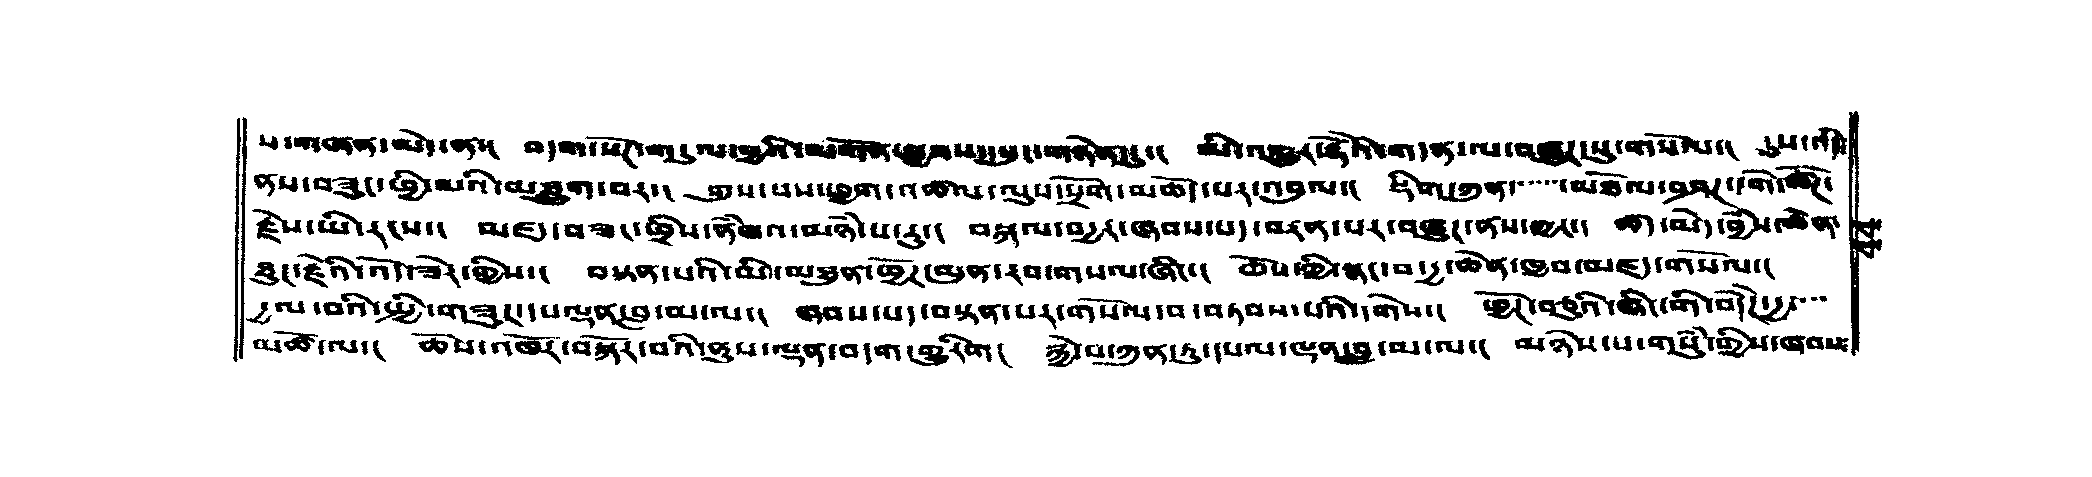ས་གཞན་མེད་ན། །བདག་སོགས་གདུལ་བྱའི་མགོན་སྐྱབས་དཔུང་གཉེན་དུ། །མི་འགྱུར་རྡོ་རྗེའི་གདན་ལ་བཞུགས་སུ་གསོལ། །དུས་འདི་
ནས་བཟུང་ཕྱི་མའི་མཐར་ཐུག་བར། །གུས་པས་ཕྱག་འཚལ་ལུས་སྲོག་མཆོད་པར་འབུལ། །སྡིག་ཀུན་མཐོལ་བཤགས་དགེ་ཚོགས་
རྗེས་ཡི་རངས། །མཛད་བཟང་ཕྲིན་ལས་ནམ་མཁའ་མཉམ་པ་རུ། །བསྐལ་བརྒྱར་ཞབས་པད་བརྟན་པར་བཞུགས་ནས་ཀྱང་། །ཚད་མེད་བྱམས་ཆེན་
ཐུགས་རྗེའི་འོད་ཟེར་གྱིས། །བསྟན་པའི་མི་མཐུན་ཕྱོགས་མུན་རབ་བསལ་ཞིང་། །ཆོས་ཀྱི་སྣང་བ་རྒྱ་ཆེན་ཁྱབ་མཛད་གསོལ། །
རྒྱལ་བའི་སྤྱི་གཟུགས་དཔལ་ལྡན་བླ་མ་ལ། །ཞབས་པད་བསྟན་པར་གསོལ་བ་བཏབ་པའི་དགེས། །ཕྱོགས་བཅུའི་ཞིང་གི་བདེ་གཤེགས་རྒྱ་
མཚོ་ལ། །ཆོས་འཁོར་བསྐོར་བའི་ནུས་ལྡན་བདག་གྱུར་ཅིག།སྐྱེ་བ་ཀུན་ཏུ་དཔལ་ལྡན་བླ་མ་ལ། །མཉེས་པ་གསུམ་གྱིས་ཞབས་